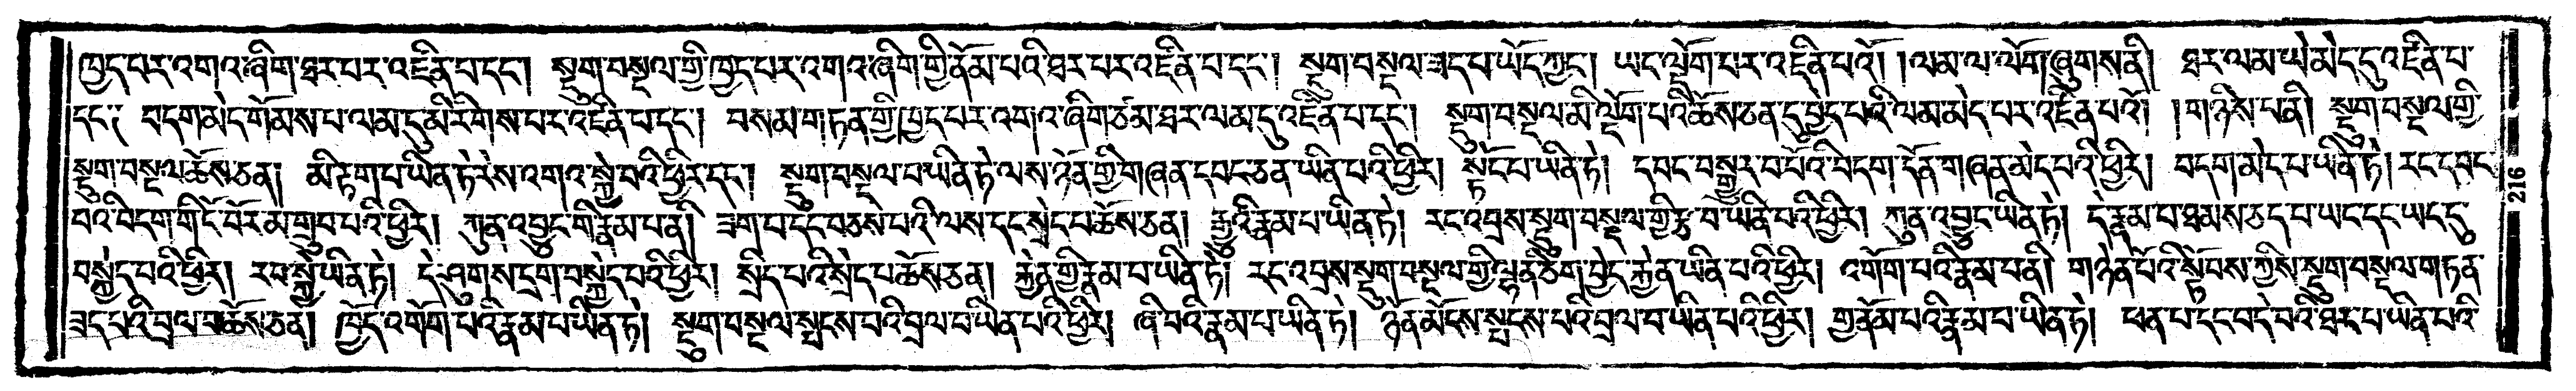ཁྱད་པར་འགའ་ཞིག་ཐར་པར་འཛིན་པ་དང་། སྡུག་བསྔལ་གྱི་ཁྱད་པར་འགའ་ཞིག་གྱི་ནོམ་པའི་ཐར་པར་འཛིན་པ་དང་། སྡུག་བསྔལ་ཟད་པ་ཡོད་ཀྱང་། ཡང་ལྡོག་པར་འཛིན་པའོ། །ལམ་ལ་ལོག་ཞུགས་ནི། ཐར་ལམ་ཡེ་མེད་དུ་འཛིན་པ་
དང་། བདག་མེད་གོམས་པ་ལམ་དུ་མི་རིགས་པར་འཛིན་པ་དང་། བསམ་གཏན་གྱི་ཁྱད་པར་འགའ་ཞིག་ཙམ་ཐར་ལམ་དུ་འཛིན་པ་དང་། སྡུག་བསྔལ་མི་ལྡོག་པའི་ཆོས་ཅན་དུ་བྱེད་པའི་ལམ་མེད་པར་འཛིན་པའོ། །གཉིས་པ་ནི། སྡུག་བསྔལ་གྱི་
སྡུག་བསྔལ་ཆོས་ཅན། མི་རྟག་པ་ཡིན་ཏེ་རེས་འགའ་སྐྱེ་བའི་ཕྱིར་དང་། སྡུག་བསྔལ་བ་ཡིན་ཏེ་ལས་ཉོན་གྱི་གཞན་དབང་ཅན་ཡིན་པའི་ཕྱིར། སྟོང་པ་ཡིན་ཏེ། དབང་བསྒྱུར་བ་པོའི་བདག་དོན་གཞན་མེད་པའི་ཕྱིར། བདག་མེད་པ་ཡིན་ཏེ། རང་དབང་
བའི་བདག་གི་ངོ་བོར་མ་གྲུབ་པའི་ཕྱིར། ཀུན་འབྱུང་གི་རྣམ་པ་ནི། ཟག་པ་དང་བཅས་པའི་ལས་དང་སྲེད་པ་ཆོས་ཅན། རྒྱུའི་རྣམ་པ་ཡིན་ཏེ། རང་འབྲས་སྡུག་བསྔལ་གྱི་རྩ་བ་ཡིན་པའི་ཕྱིར། ཀུན་འབྱུང་ཡིན་ཏེ། དེ་རྣམ་པ་ཐམས་ཅད་པ་ཡང་དང་ཡང་དུ་
བསྐྱེད་པའི་ཕྱིར། རབ་སྐྱེ་ཡིན་ཏེ། དེ་ཤུགས་དྲག་བསྐྱེད་པའི་ཕྱིར། སྲིད་པའི་སྲེད་པ་ཆོས་ཅན། རྐྱེན་གྱི་རྣམ་པ་ཡིན་ཏེ། རང་འབྲས་སྡུག་བསྔལ་གྱི་ལྷན་ཅིག་བྱེད་རྐྱེན་ཡིན་པའི་ཕྱིར། འགོག་པའི་རྣམ་པ་ནི། གཉེན་པོའི་སྟོབས་ཀྱིས་སྡུག་བསྔལ་གཏན་
ཟད་པའི་བྲལ་བ་ཆོས་ཅན། ཁྱོད་འགོག་པའི་རྣམ་པ་ཡིན་ཏེ། སྡུག་བསྔལ་སྤངས་པའི་བྲལ་བ་ཡིན་པའི་ཕྱིར། ཞི་བའི་རྣམ་པ་ཡིན་ཏེ། ཉོན་མོངས་སྤངས་པའི་བྲལ་པ་ཡིན་པའི་ཕྱིར། གྱ་ནོམ་པའི་རྣམ་པ་ཡིན་ཏེ། ཕན་པ་དང་བདེ་བའི་ཐར་པ་ཡིན་པའི་